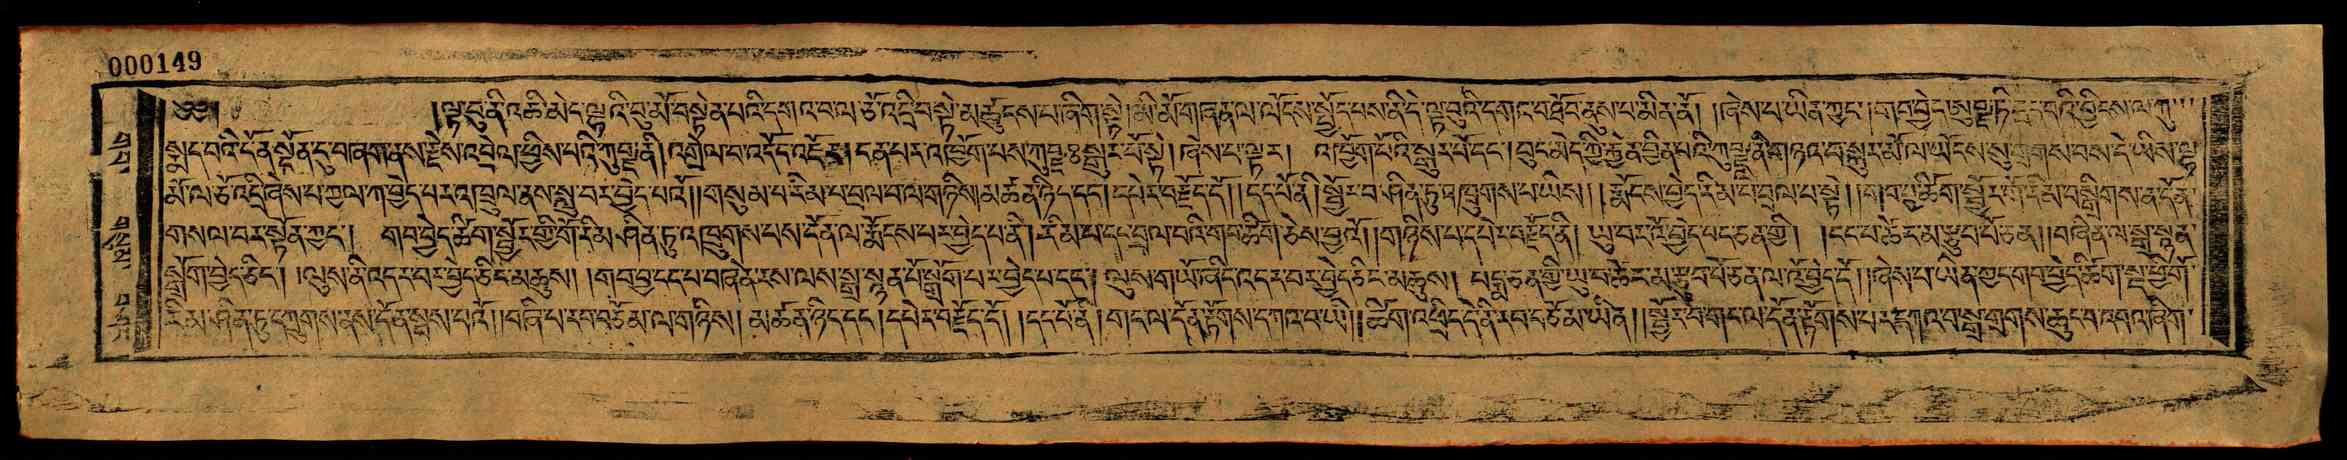༄༅། །ལྟ་བུ་ནི་འཆི་མེད་ལྷའི་བུ་མོ་བསྟེན་པའི་དགའ་བ་ལ་ཅོ་འདྲི་བ་སྟེ་མཚུངས་པ་ཞིག་སྟེ། མི་མོ་གཞན་ལ་ལོངས་སྤྱོད་པས་ནི་དེ་ལྟ་བུའི་དགའ་བ་ཐོབ་ནུས་པ་མིན་ནོ། །ཞེས་པ་ཡིན་ཀྱང་། གབ་བྱེད་ཨུབྫ་ཏི་དྲང་བའི་བྱིང་སལ་ཀུ་
སྨད་པའི་དོན་སྔོན་དུ་བཞག་ནས་རྗེས་འབྲེལ་ཕྱིས་པའི་ཀུབྫ་ནི། འགྲེལ་པ་འདོད་འཇོར། ངན་པར་འཁྱོག་པས་ཀུབྫཿ སྦུར་བོ་སྟེ། ཞེས་པ་ལྟར། འཁྱོག་པོའི་སྦུར་བོ་དང་། བུད་མེད་ཀྱི་རྐྱེན་བྱིན་པའི་ཀུབྫཱ་ནི་གཉའ་བ་སྦུར་མོ་ལ་ཡོངས་སུ་གྲགས་པས་དེ་ཡིས་ལྷ་
མོ་ལ་ཅོ་འདྲི་ཞེས་པ་ཀྱལ་ཀ་བྱེད་བར་འཁྲུལ་ནས་སླུ་བར་བྱེད་པའོ། །གསུམ་པ་རིམ་པ་བྲལ་བ་ལ་གཉིས་མཚན་ཉིད་དང་། དཔེར་བརྗོད་དོ། །དང་པོ་ནི། སྦྱོར་བ་ཤིན་ཏུ་འཁྲུགས་པ་ཡིས། །རྨོངས་བྱེད་རིམ་པ་བྲལ་བ་སྟེ། །གབ་བྱ་ཚིག་སྦྱོར་གོ་རིམ་བསྒྲིགས་ན་དོན་
གསལ་བར་སྟོན་ཀྱང་། གབ་བྱེད་ཚིག་སྦྱོར་གྱི་གོ་རིམ་ཤིན་ཏུ་འཁྲུགས་པས་དོན་ལ་རྨོངས་པར་བྱེད་པ་ནི། རིམ་པ་དང་བྲལ་བའི་གབ་ཚིག་ཅེས་བྱའོ། །གཉིས་པ་དཔེར་བརྗོད་ནི། ཡུ་བརO་བྱེད་པད་ཅན་གྱི། །དང་མོ་ཚེར་མ་རྩུབ་པོ་ཅན། །བཞིན་ལ་སྒྲ་སྙན་
སྒྲོག་བྱེད་ཅིང་། །ལུས་ནི་འདར་བར་བྱེད་ཅིང་མཆུས། །གབ་བྱ་དང་པ་བཞིན་རས་ལས་སྒྲ་སྙན་པོ་སྒྲོག་པར་བྱེད་པ་དང་། ལུས་གཡོ་ཞིང་འདར་བར་བྱེད་ཅིང་མཆུས། པདམ་ཅན་གྱི་ཡུ་བ་ཚེར་མ་རྩུབ་པོ་ཅན་ལའོ་བྱེད་དོ། །ཞེས་པ་ཡིན་ཀྱང་གབ་བྱེད་ཚིག་སྔ་ཕྱིར་གོ་
རིམ་ཤིན་ཏུ་དཀྲུགས་ནས་དོན་སྦས་པའོ། །བཞི་པ་རབ་བཅོམ་ལ་གཉིས། མཚན་ཉིད་དང་། དཔེར་བརྗོད་དོ། །དང་པོ་ནི། གང་ལ་དོན་རྟོགས་དཀའ་བ་ཡི། །ཚིག་འཕྲེང་དེ་ནི་རབ་བཅོམ་ཡིན། །སྦྱོར་བ་གང་ལ་དོན་རྟོགས་པར་དཀའ་བ་སྒྲ་གྲགས་ཆུང་བ་འབའ་ཞིག་